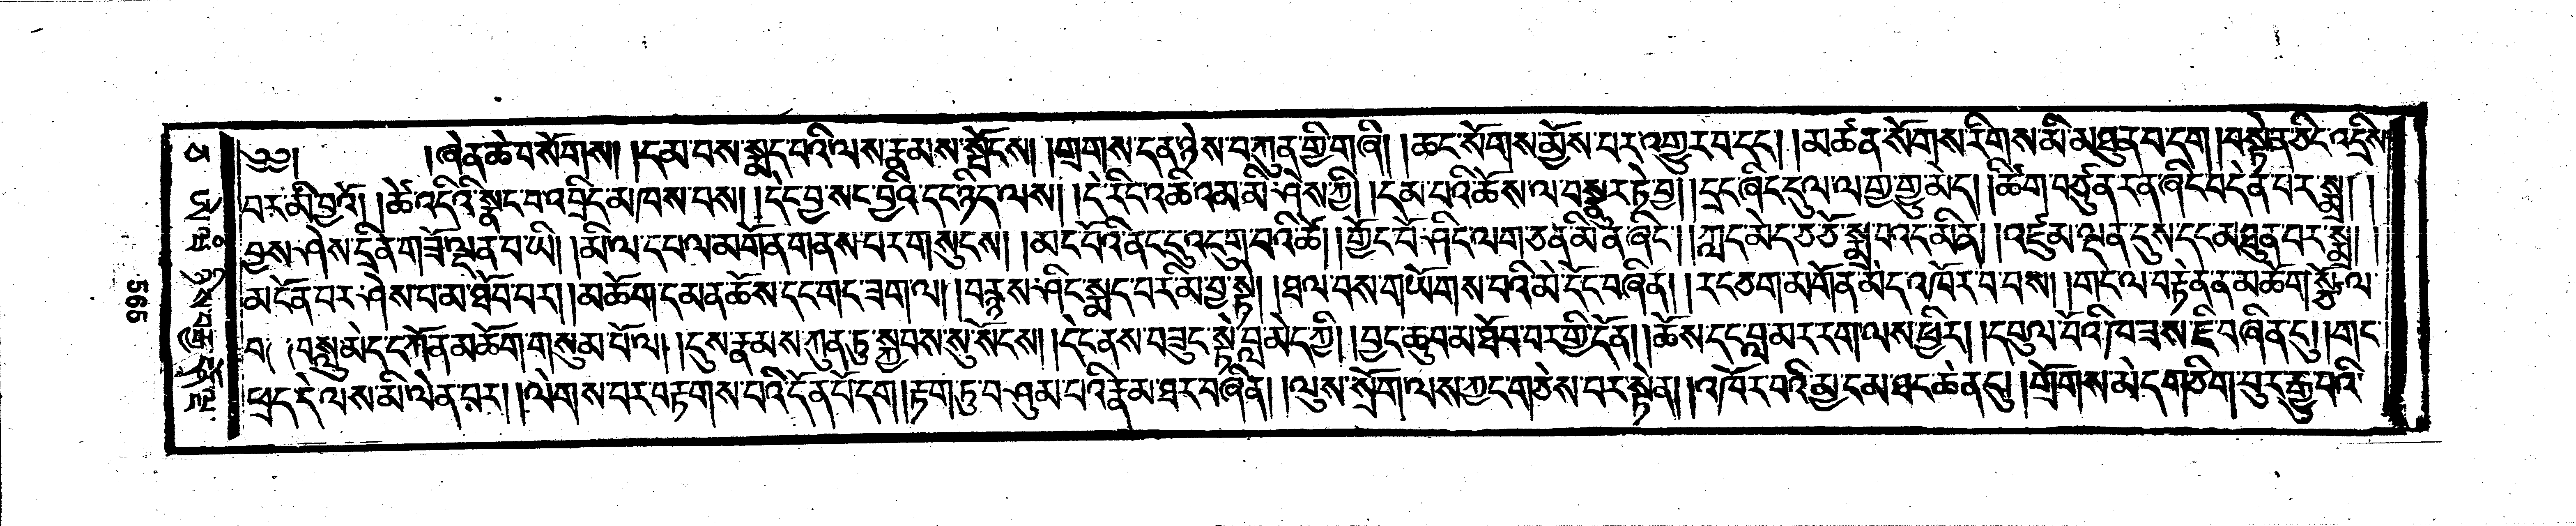༄༅། །ཞེན་ཆེ་བ་སོགས། །དམ་པས་སྨད་པའི་ལས་རྣམས་སྤོངས། །གྲགས་ངན་ཉེས་པ་ཀུན་གྱི་གཞི། །ཆང་སོགས་མྱོས་པར་འགྱུར་བ་དང་། །མཚན་སོགས་རིགས་མི་མཐུན་པ་དག །བསྟེན་ཅིང་འདྲིས་
པར་མི་བྱའོ། །ཚེ་འདིའི་སྣང་བ་འབྲིད་མཁས་པས། །དེང་བྱ་སང་བྱའི་ངང་ཉིད་ལས། །དེ་རིང་འཆི་འམ་མི་ཤེས་ཀྱི། །དམ་པའི་ཆོས་ལ་བསྣུར་ཏེ་བྱ། །དྲང་ཞིང་དུལ་ལ་གྱ་གྱུ་མེད། །ཚིག་བཙུན་ངན་ཞིང་བདེན་པར་སྨྲ།།
བྱས་ཤེས་དྲིན་གཟོ་ལྡན་པ་ཡི། །མི་ལ་དཔལ་མགོན་གནས་པར་གསུངས། །མང་པོའི་ནང་དུ་འདུག་པའི་ཚེ། །གྱོང་པོ་ཤིང་ལག་ཅན་མིན་ཞིང་། །ཀླད་མེད་ཅ་ཅོ་སྨྲ་བའང་མིན། །འཛུམ་ལྡན་དུས་དང་མཐུན་པར་སྨྲ།།
མངོན་པར་ཤེས་པ་མ་ཐོབ་པར། །མཆོག་དམན་ཆོས་དང་གང་ཟག་ལ། །བརྙས་ཤིང་སྨད་པར་མི་བྱ་སྟེ། །ཐལ་བས་གཡོགས་པའི་མེ་དོང་བཞིན། །རང་ཅག་མགོན་མེད་འཁོར་བ་པས། །གང་ལ་བརྟེན་ན་མཆོག་སྩོལ་
བ། །བསླུ་མེད་དཀོན་མཆོག་གསུམ་པོ་ལ། །དུས་རྣམས་ཀུན་ཏུ་སྐྱབས་སུ་སོངས། །དེང་ནས་བཟུང་སྟེ་བླ་མེད་ཀྱི། །བྱང་ཆུབ་མ་ཐོབ་བར་གྱི་དོན། །ཆོས་དང་བླ་མར་རག་ལས་ཕྱིར། །དབུལ་པོའི་ཁ་ཟས་ཇི་བཞིན་དུ། །གང་
ཕྲད་དེ་ལས་མི་ལེན་པར། །ལེགས་པར་བརྟགས་པའི་དོན་པོ་དག །རྟག་ཏུ་བཤུམ་པའི་རྣམ་ཐར་བཞིན། །ལུས་སྲོག་ལས་ཀྱང་གཅེས་པར་སྟེན། །འཁོར་བའི་མྱ་ངམ་ཐང་ཆེན་དུ། །གྲོགས་མེད་གཅིག་པུར་རྒྱུ་བའི་